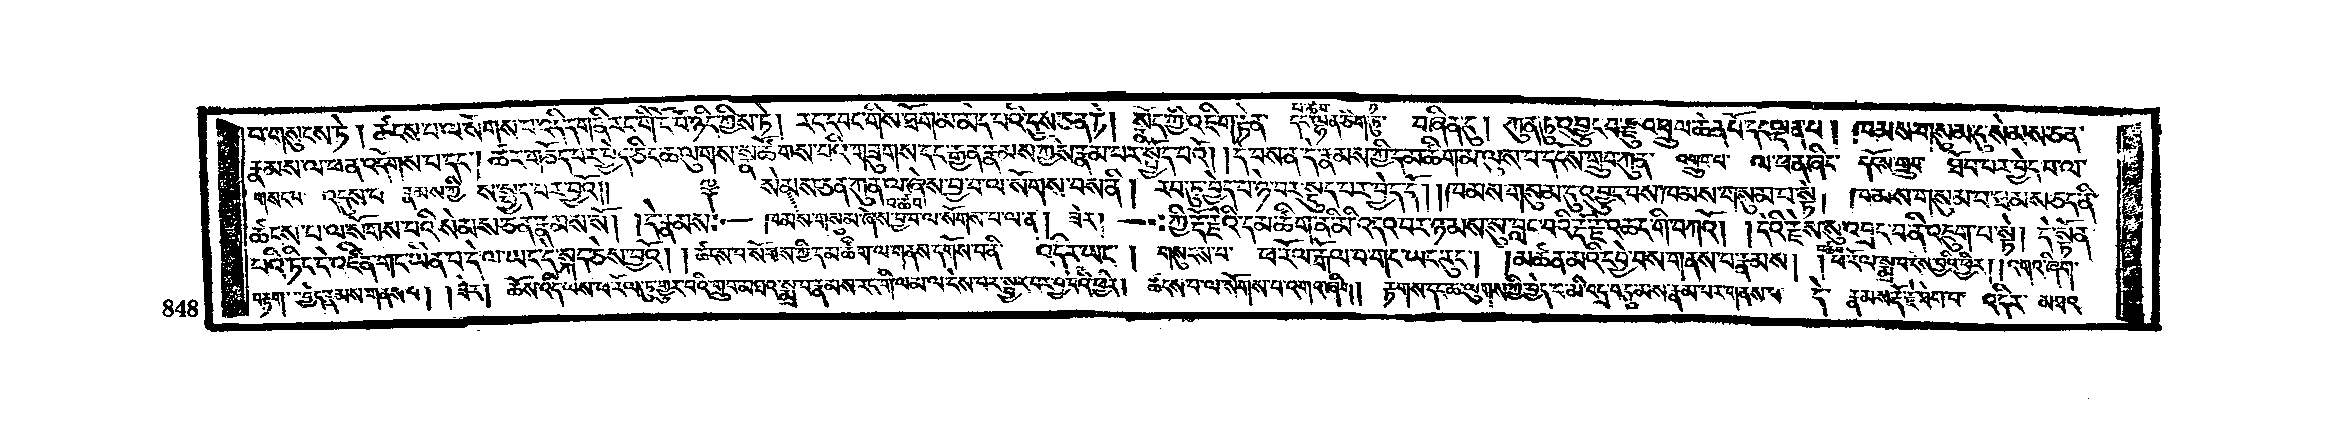པ་གསུངས་ཏེ། ཚངས་པ་ལ་སོགས་པ་འདི་དག་ནི་རང་གི་ངོ་བོ་ཉིད་ཀྱིས་ཏེ། རང་དབང་གིས་ཐོག་མ་མེད་པའི་དུས་ཅན་ཏེ། སྣོད་ཀྱི་འཇིག་རྟེན་པ་ཚབ྄་དང་ལྷན་ཅིག་ཏུ ༡་བཞིན་དུ། ཀུན་ཏུ་འབྱུང་བ་རྫུ་འཕྲུལ་ཆེན་པོ་དང་ལྡན་པ། ཁམས་གསུམ་དུ་སེམས་ཅན་
རྣམས་ལ་ཕན་འདོགས་པ་དང་། ཚར་གཅོད་པར་བྱེད་ཅིང་ཆ་ལུགས་སྣ་ཚོགས་པའི་གཟུགས་དང་རྒྱན་རྣམས་ཀྱིས་རྣམ་པར་སྤྱོད་པའོ། །དེ་བས་ན་དེ་རྣམས་ཀྱི་དམ་ཚིག་མ་ལུས་པ་དངོས་གྲུབ་ཀུན་འགྲུབ་པ་ལ་ཕན་ཞིང་དངོས་གྲུབ་ཐོབ་པར་བྱེད་པ་ལ་
གསང་པ་འདུས་པ་རྣམས་ཀྱིས་སྤྱད་པར་བྱའོ།། ༈ སེམས་ཅན་ཀུན་ལ་ཞེས་བྱ་བ་ལ་སོགས་བས་ནི། རབ་ཏུ་བྱེད་པ་ཉེ་བར་སྡུད་པར་བྱེད་དོ། །ཁམས་གསུམ་དུ་འབྱུང་བས་ཁམས་གསུམ་པ་སྟེ། ཁམས་གསུམ་པ་ཐམས་ཅད་ནི་
ཚངས་པ་ལ་སོགས་པའི་སེམས་ཅན་རྣམས་སོ། །དེ་རྣམསཿ་པ་ཚབ྄་ཁམས་གསུམ་ཞེས་བྱ་བ་ལ་སོགས་པ་ལ་ནི། ཟེར།  .Hཀྱི་རྡོ་རྗེའི་དམ་ཚིག་ནི་མི་འདའ་བར་ཉམས་སུ་བླང་བའི་རྡོ་རྗེ་འཆང་གི་བཀའོ། །དེའི་རྗེས་སུ་འགྲང་བ་ནི་འཇུག་པ་སྟེ། དེ་སྟོན་
པའི་ཏིང་ངེ་འཛིན་གང་ཡིན་པ་དེ་ལ་ཡང་དེ་སྐད་ཅེས་བྱའོ། ། ཚངས་པ་སོགས་ཀྱི་དམ་ཚིག་ལ་གནས་དགོས་པ་ནི་འདིར་ཡང་། གསུངས་པ་ཕ་རོལ་རྒོལ་བ་གང་ཡང་རུང་། །མཚན་མའི་དབྱེ་བས་གནས་པ་རྣམས། །པ་ཚབ྄་ཕ་རོལ་སྨྲ་བ་ངས་བྱའི་ཕྱིར། །འགའ་ཞིག་
བརྟག་བྱེད་རྣམས་གནས་པ། །ཟེར། ཆོས་འདི་ལས་ཕ་རོལ་ཏུ་གྱུར་པའི་གྲུབ་མཐའ་སྨྲ་བ་རྣམས་རང་གི་ལམ་ལ་ངེས་པར་སྦྱར་བར་བྱ་བའི་ཕྱིར། ཚངས་པ་ལ་སོགས་པ་འགའ་ཞིག །རྟགས་དང་ཆ་ལུགས་ཀྱི་བྱེད་པ་མི་འདྲ་བ་དུ་མས་རྣམ་པར་གནས་པ་དེ་རྣམས་རྡོ་རྗེ་ཐེག་པ་འདིར་མཐའ་